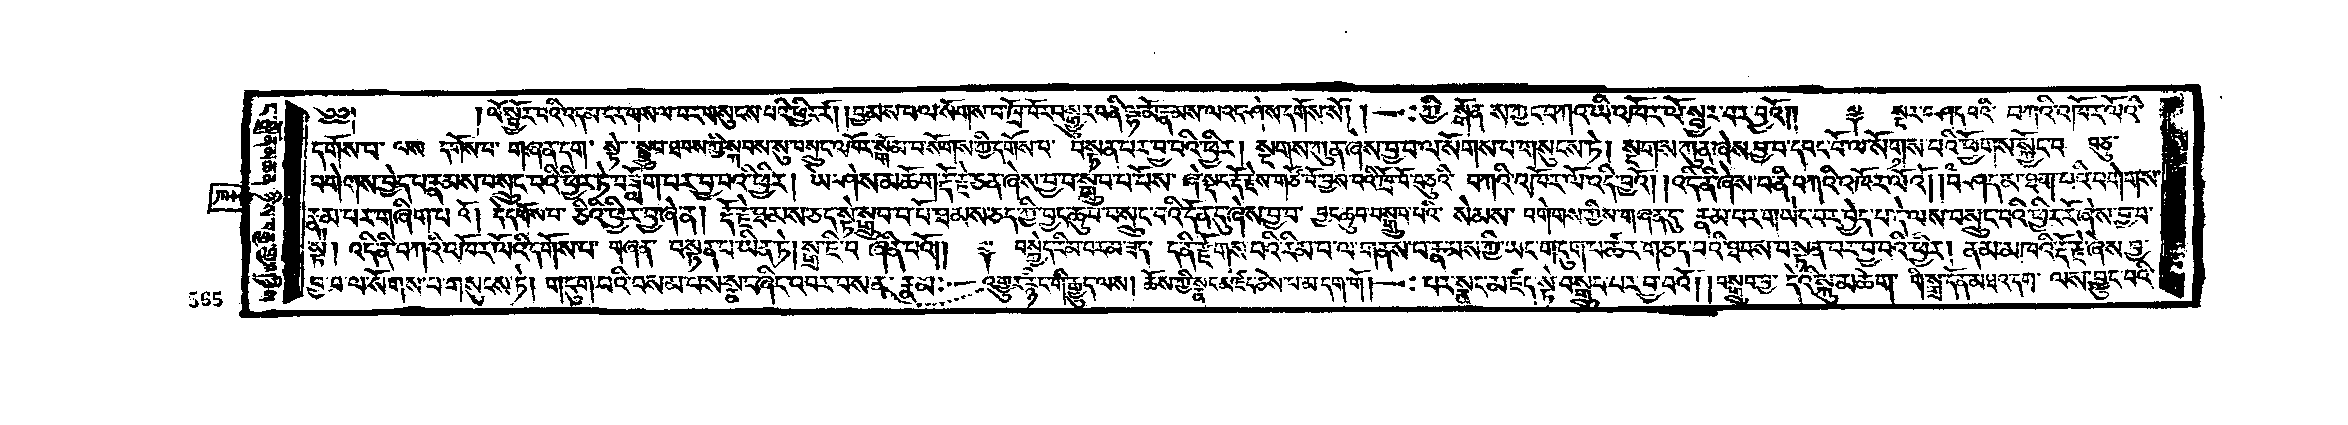༄༅། །ལེ་སྦྱོར་བའི་འདམ་ངར་གསལ་བར་གསུངས་པའི་ཕྱིར་རོ། །བྱམས་པ་ལ་སོགས་པ་ཁྲོ་བོར་བསྒྱུར་བ་ནི་ལྷ་མོ་རྣམས་ལའང་ཤེས་དགོས་སོ།། ཀྱི་སྒོ་ནས་ཀྱང་བཀའ་ཡི་འཁོར་ལོ་སྦྱར་བར་བྱའོ།། ༈ སྔར་བཤད་པའི་བཀའི་འཁོར་ལོའི་
དགོས་པ་ལས་དགོས་པ་གཞན་དག་སྟེ་སྒྲུབ་ཐབས་ཀྱི་སྐབས་སུ་བསྲུང་འཁོར་སྒོམ་པ་སོགས་ཀྱི་དགོས་པ་བསྟན་པར་བྱ་བའི་ཕྱིར། སྔགས་ཀུན་ཞེས་བྱ་བ་ལ་སོགས་པ་གསུངས་ཏེ། སྔགས་ཀུན་ཞེས་བྱ་བ་དབང་པོ་ལ་སོགས་པའི་ཕྱོགས་སྐྱོང་བ་བཅུ་
བགེགས་བྱེད་པ་རྣམས་བསྲུང་བའི་ཕྱིར་ཏེ་བཟློག་པར་བྱ་བའི་ཕྱིར། ཡེ་ཤེས་མཆོག་རྡོ་རྗེ་ཅན་ཞེས་བྱ་བ་སྒྲུབ་པ་པོས་ཞེ་སྡང་རྡོ་རྗེས་གཙོ་བོ་བྱས་པའི་ཁྲོ་བོ་བཅུའི་བཀའི་འཁོར་ལོ་འདི་བྱའོ། །འདི་ནི་ཞེས་པ་ནི་བཀའི་འཁོར ༡་ལོའོ། །༢་བཤད་མ་ཐག་པའི་བགེགས་
རྣམ་པར་གཞིག་པའོ། །དེ་དགོས་པ་ཅིའི་ཕྱིར་བྱ་ཞེ་ན། རྡོ་རྗེ་ཐམས་ཅད་སྟེ་སྒྲུབ་པ་པོ་ཐམས་ཅད་ཀྱི་བྱང་ཆུབ་བསྲུང་བའི་དོན་དུ་ཞེས་བྱ་བ་བྱང་ཆུབ་བསྒྲུབ་པའི་སེམས་བགེགས་ཀྱིས་གཞན་དུ་རྣམ་པར་གཡེང་བར་བྱེད་པ་དེ་ལས་བསྲུང་བའི་ཕྱིར་རོ་ཞེས་བྱ་བ་
སྟེ། འདི་ནི་བཀའི་འཁོར་ལོའི་དགོས་པ་གཞན་བསྟན་པ་ཡིན་ཏེ། སྒྲ་ཇི་བཞིན་པའོ།། ༈ བསྐྱེད་རིམ་པར་མ་ཟད་ད་ནི་རྫོགས་པའི་རིམ་པ་ལ་གནས་པ་རྣམས་ཀྱི་ཡང་གདུག་པ་ཚར་བཅད་པའི་ཐབས་བསྟན་པར་བྱ་བའི་ཕྱིར། ནམ་མཁའི་རྡོ་རྗེ་ཞེས་བྱ་
བྱ་བ་ལ་སོགས་པ་གསུངས་ཏེ། གདུག་པའི་བསམ་པས་སྣང་ཞིང་འབར་བས་ན་རྣམ་འགྱུར་རྙིང་གི་རྒྱུད་ལས། ཆོས་ཀྱི་སྣང་མཛད་ཅེས?་པ་མ་དག་གོ ། པར་སྣང་མཛད་སྟེ་བསྒྲུབ་པར་བྱ་བའོ། །བསྒྲུབ་བྱ་དེའི་སྐུ་མཆོག་གི་སྒྲ་དོན་མཐའ་དག་ལས་བྱུང་བའི་